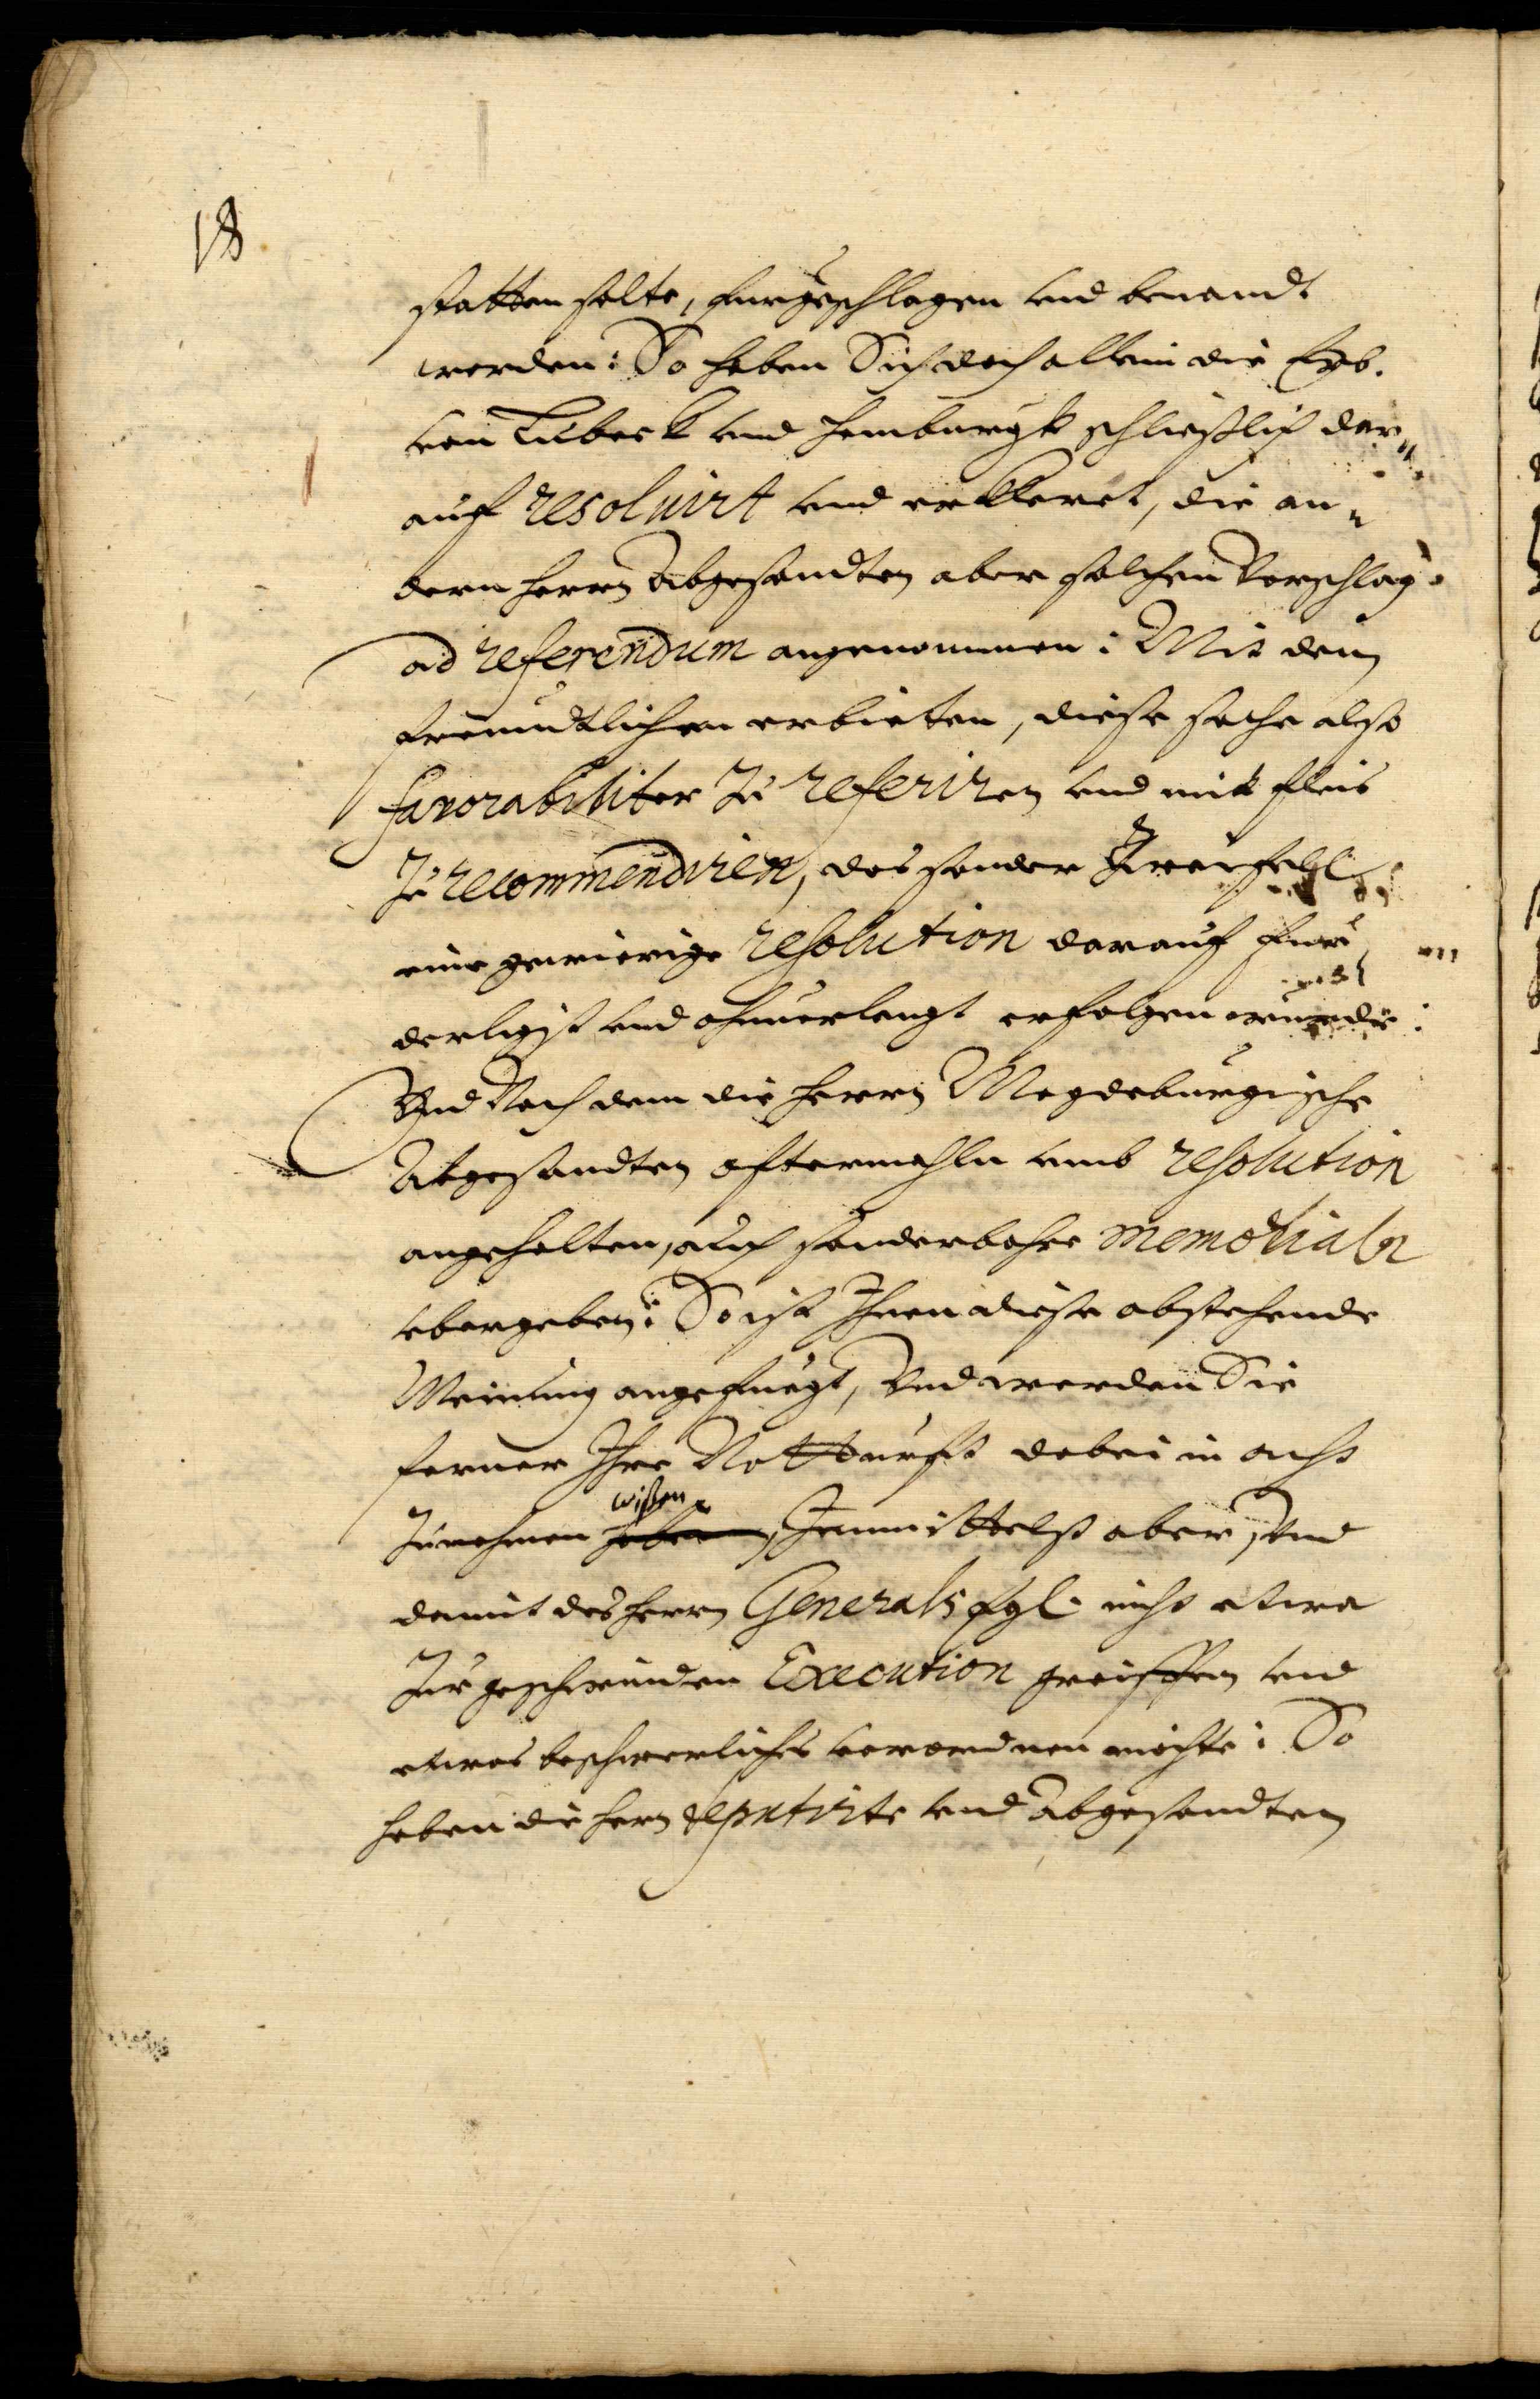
18
statten solte, furgeschlagen vnd benandt
worden: So haben Sich doch allein die Erb.
von Lubeck vnd hamburgk schließlich dar¬
auf resolvirt vnd erkleret, die an¬
dern herrn Abgesandten aber solchen Vorschlag
ad referendum angenommen: Mit dem
freundtlichen erbieten, diese sache also
favorabiliter zu referiren vnd mit fleis
zu recommendiren, das sonder zweifell
eine gewierige resolution darauf fur¬
derligst vnd ohnverlangt erfolgen wurde:
Vnd Nach dem die herrn Magdeburgische
Abgesandten oftermahln vmb resolution
angehalten, auch sonderbahre memorialer
vbergeben: So ist Ihnen diese obstehende
Meinung angefuegt, Vnd werden Sie
ferner Ihre Notturft dabei in acht
wißen
zu nehmen haben, Immittelst aber, Vnd
damit des herrn Generals fgl. nicht etwa
zur geschwinden Execution greiffen vnd
etwas beschwerliches vorordnen möchte: So
haben die hern deputirte vnd Abgesandten
